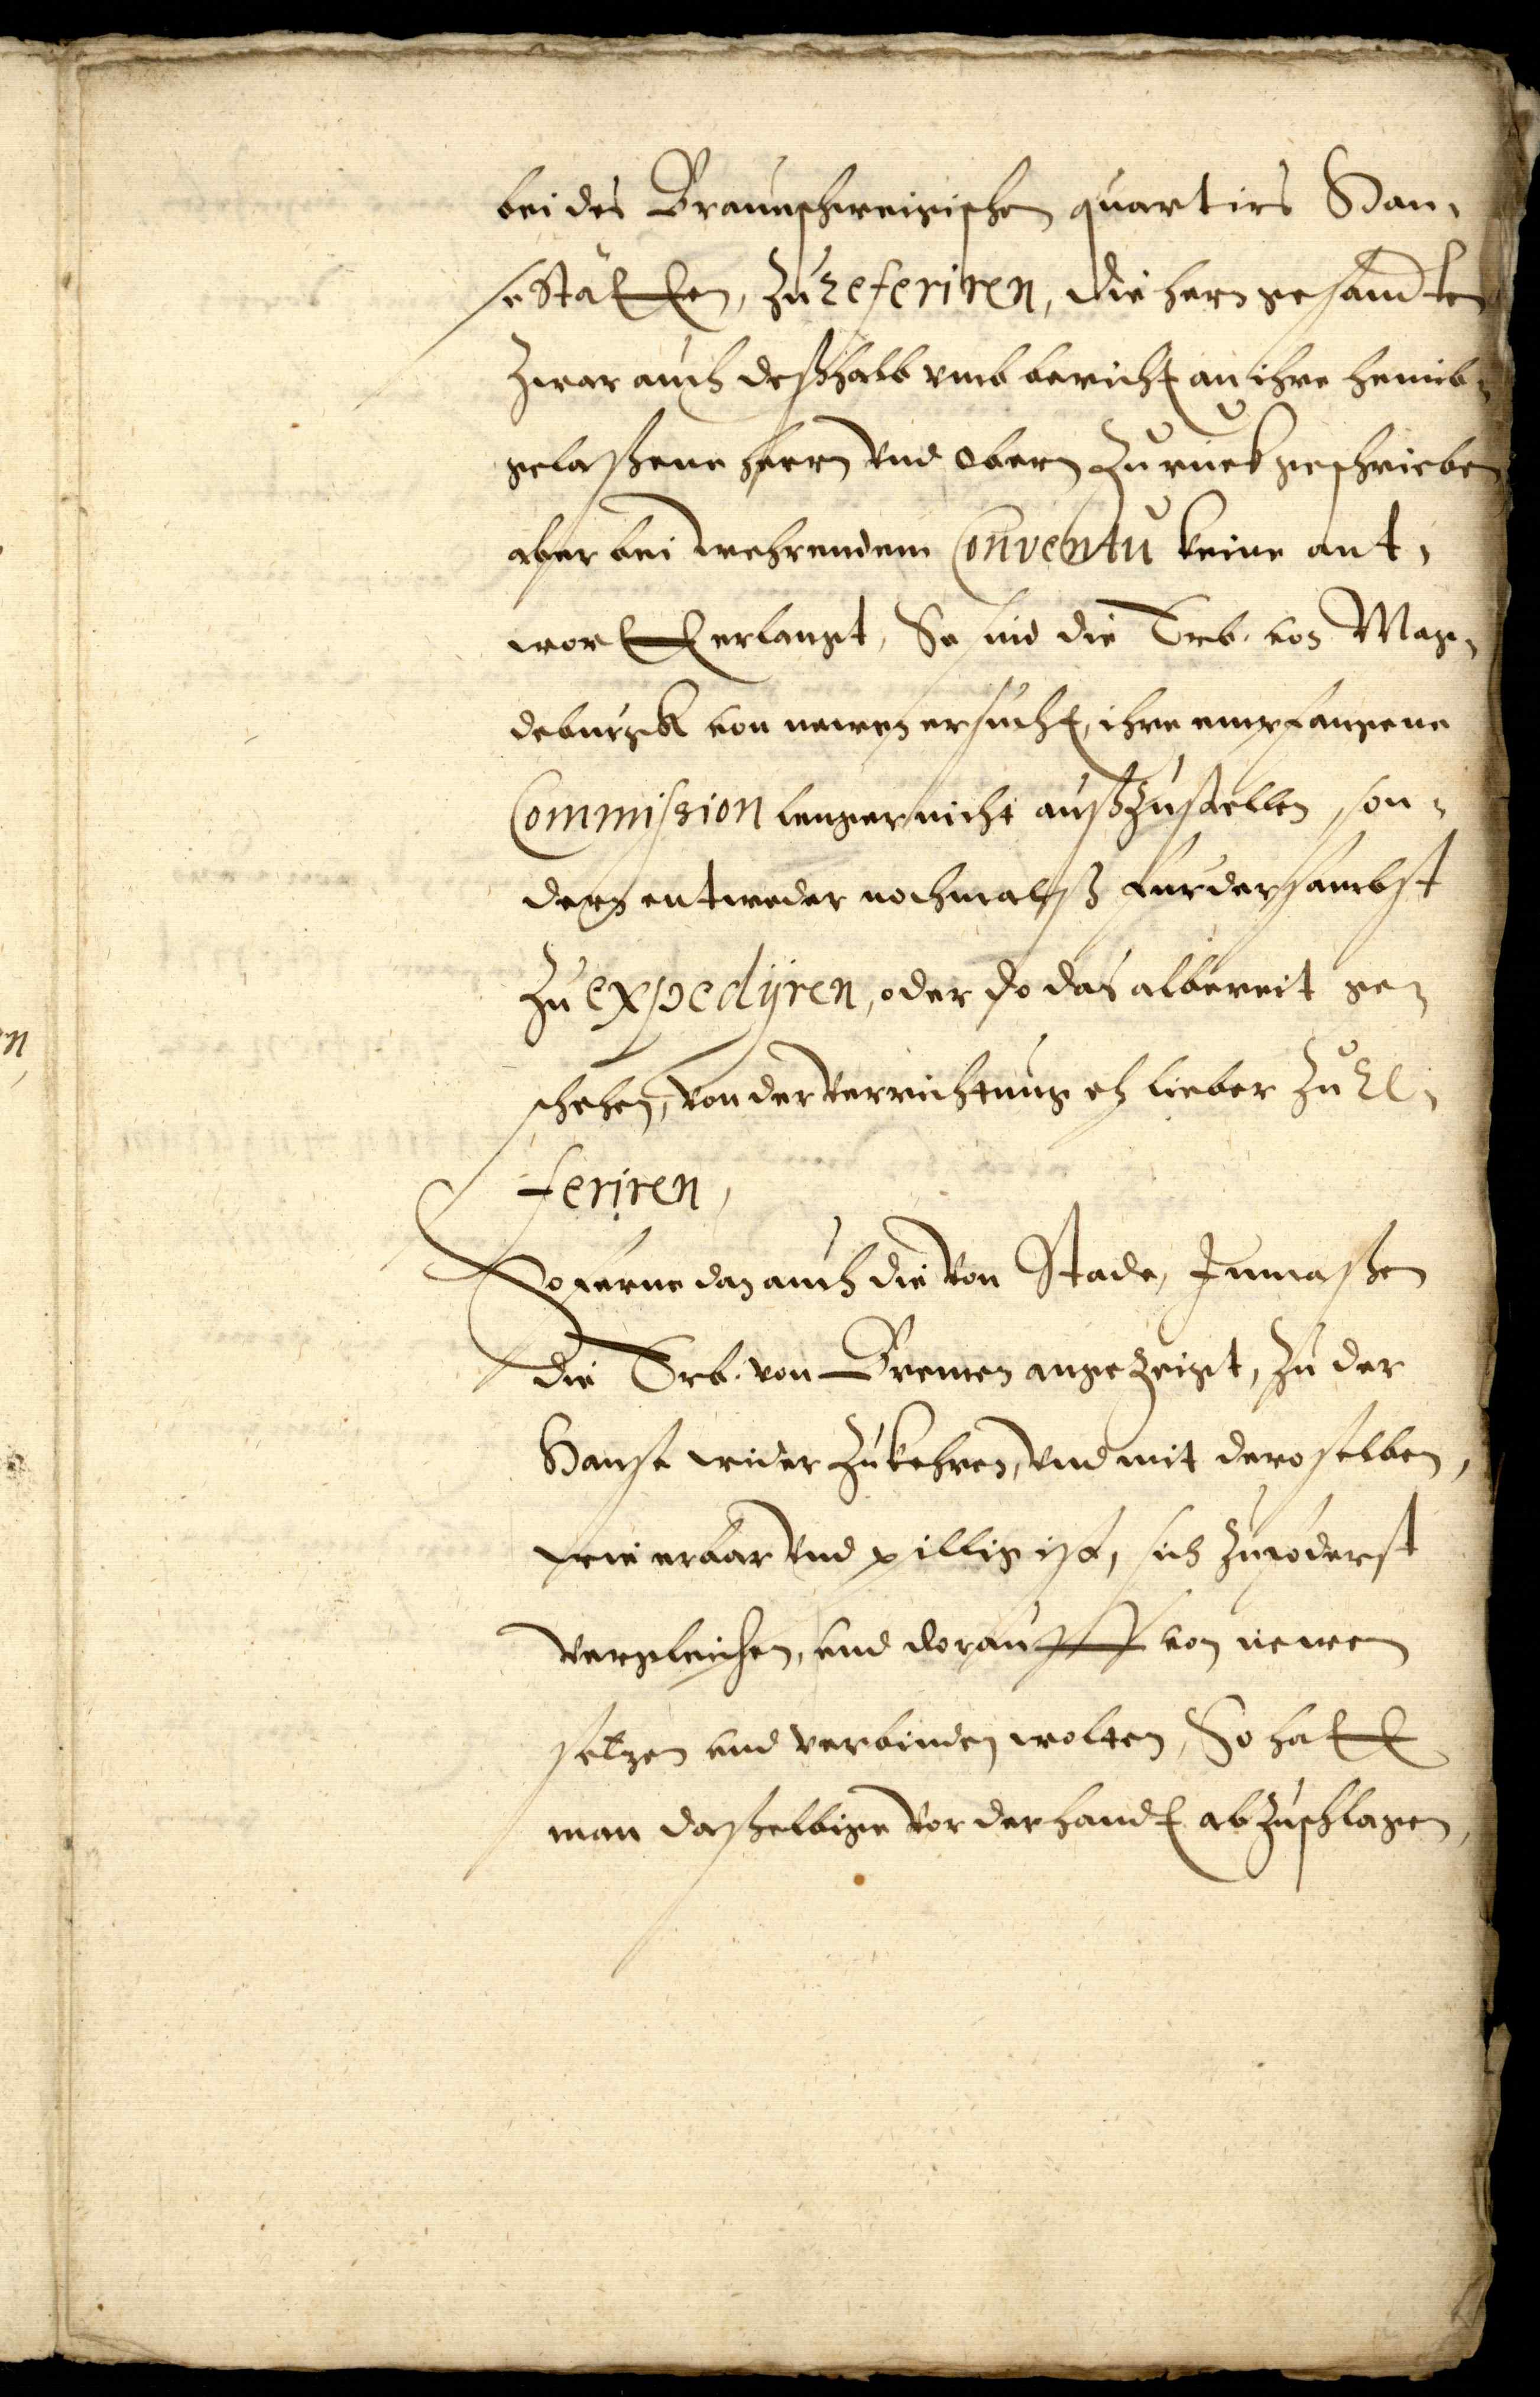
bei des Braunschweigischen quartirs Han¬
se Stätten, zu referiren, die hern gesandten
zwar auch deßhalb vmb bericht an ihre heimb¬
gelaßene herrn Vnd obern Zuruck geschrieben
aber bei wehrendem Conventu keine ant¬
wortt erlangt, So sind die Erb. von Mag¬
deburgk von newen ersucht, ihre empfangene
Commission lenger nicht außzustellen, son¬
dern entweder nochmalß furdersambst
zu expedijren, oder do das albereit ge¬
schehen, von der Verrichtung eh lieber Zu re¬
feriren,
So ferner dan auch die Von Stade, Inmaßen
die Erb. von Bremen angezeigt, zu der
Hanse wider zu kehren, vnd mit dero selben,
wie erbar vnd pillig ist, sich zuforderst
vergleichen, vnd darauff von newen
setzen vnd verbinden wolten, So hatt
man daßelbige vorderhandt abzuschlagen
